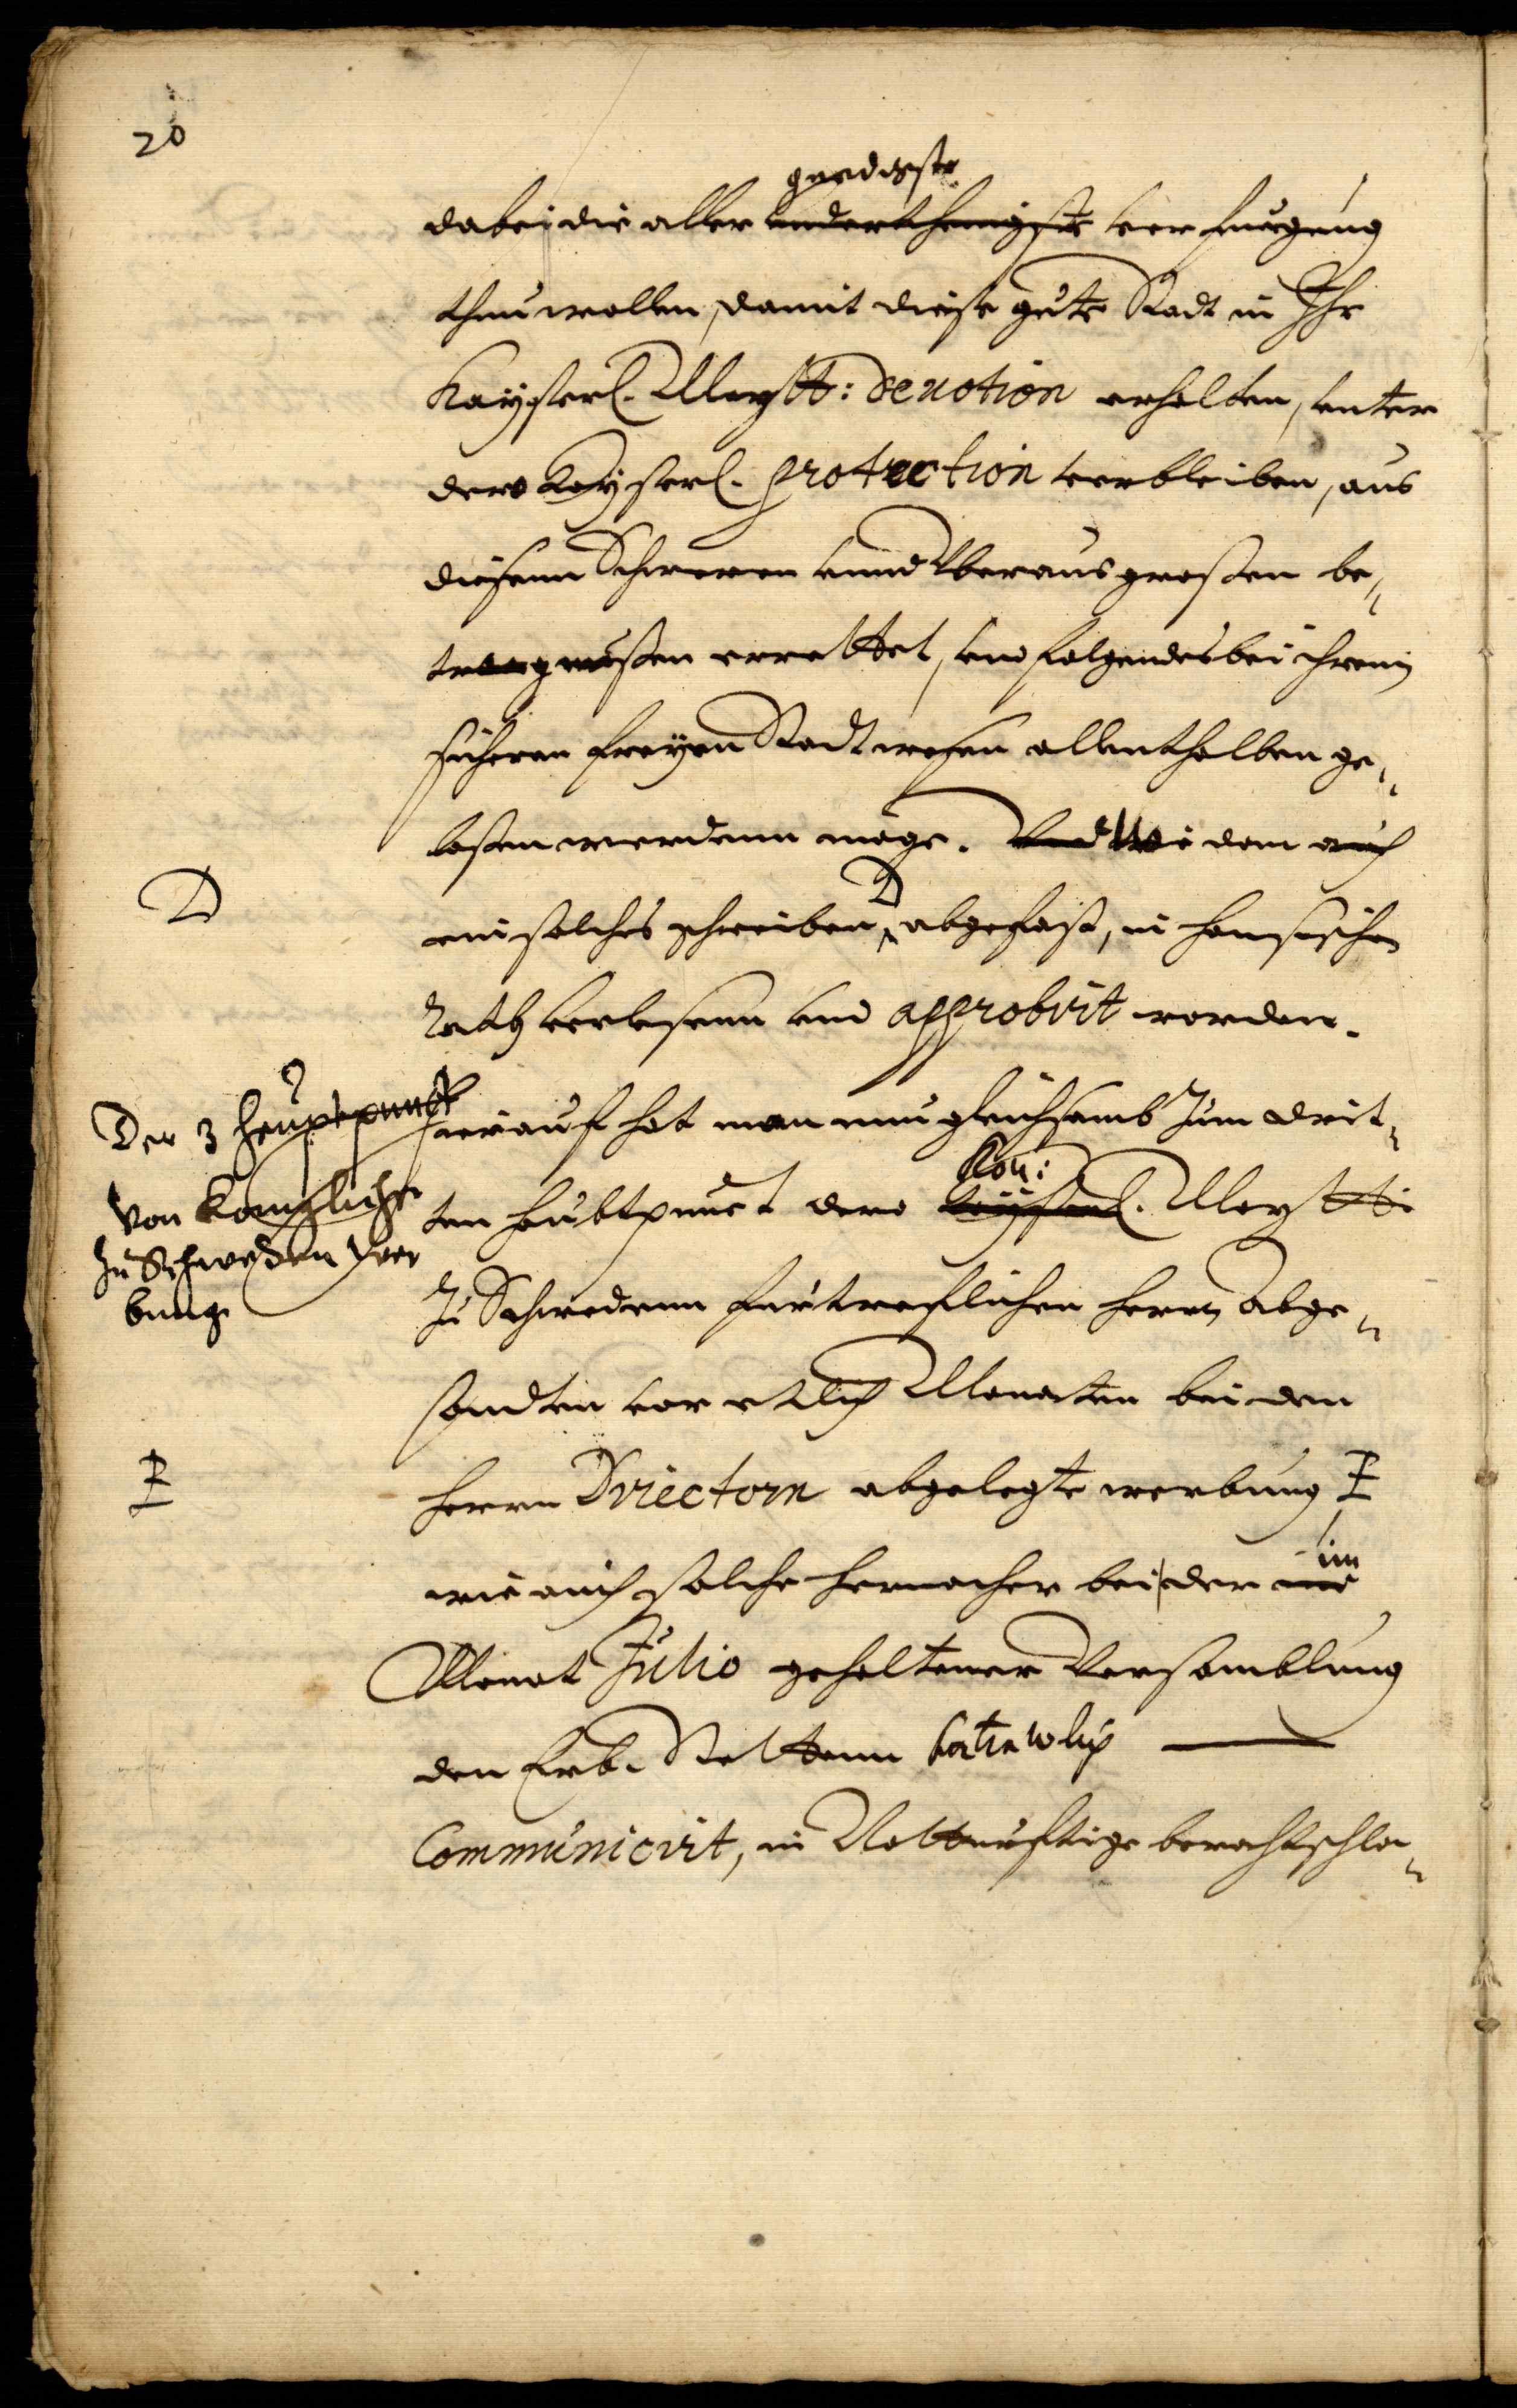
20
gnedigste
dabei die aller vnderthenigste verfuegung
thun wollen, damit diese gute Stadt in Ihr
Kaijserl. Maytt. deuotion erhalten, vnter
dero Kaijserl. protection verbleiben, aus
diesenn Schweren vnd Vberaus großen be¬
trengnußen errettet, vnd folgendes bei ihrenn
sicheren freijen Stadtwesen allenthalben ge¬
laßen werdenn moge. Vnd Wie dem auch
ein solches schreiben D abgefaßt, in hansischen
Rath verlesenn vnd approbirt worden.
Hierauf hat man nun gleichsamb zum drit¬
Kon:
ten hauptpunct dero Kayserl. Maytt:
zu Schwedenn furtreflichen herrn Abge¬
sandten vor etlich Monaten bei den
herrn Directorn abgelegte werbung E
wie auch solche hernacher bei der am im
Monat Julio gehaltener versamblung
den Erb. Stettenn satia tolup
communicirt, in Notturftige berahtschla¬
D
Den 3 hauptpunct
von koniglichen
zu Schweden wer
bung
E
